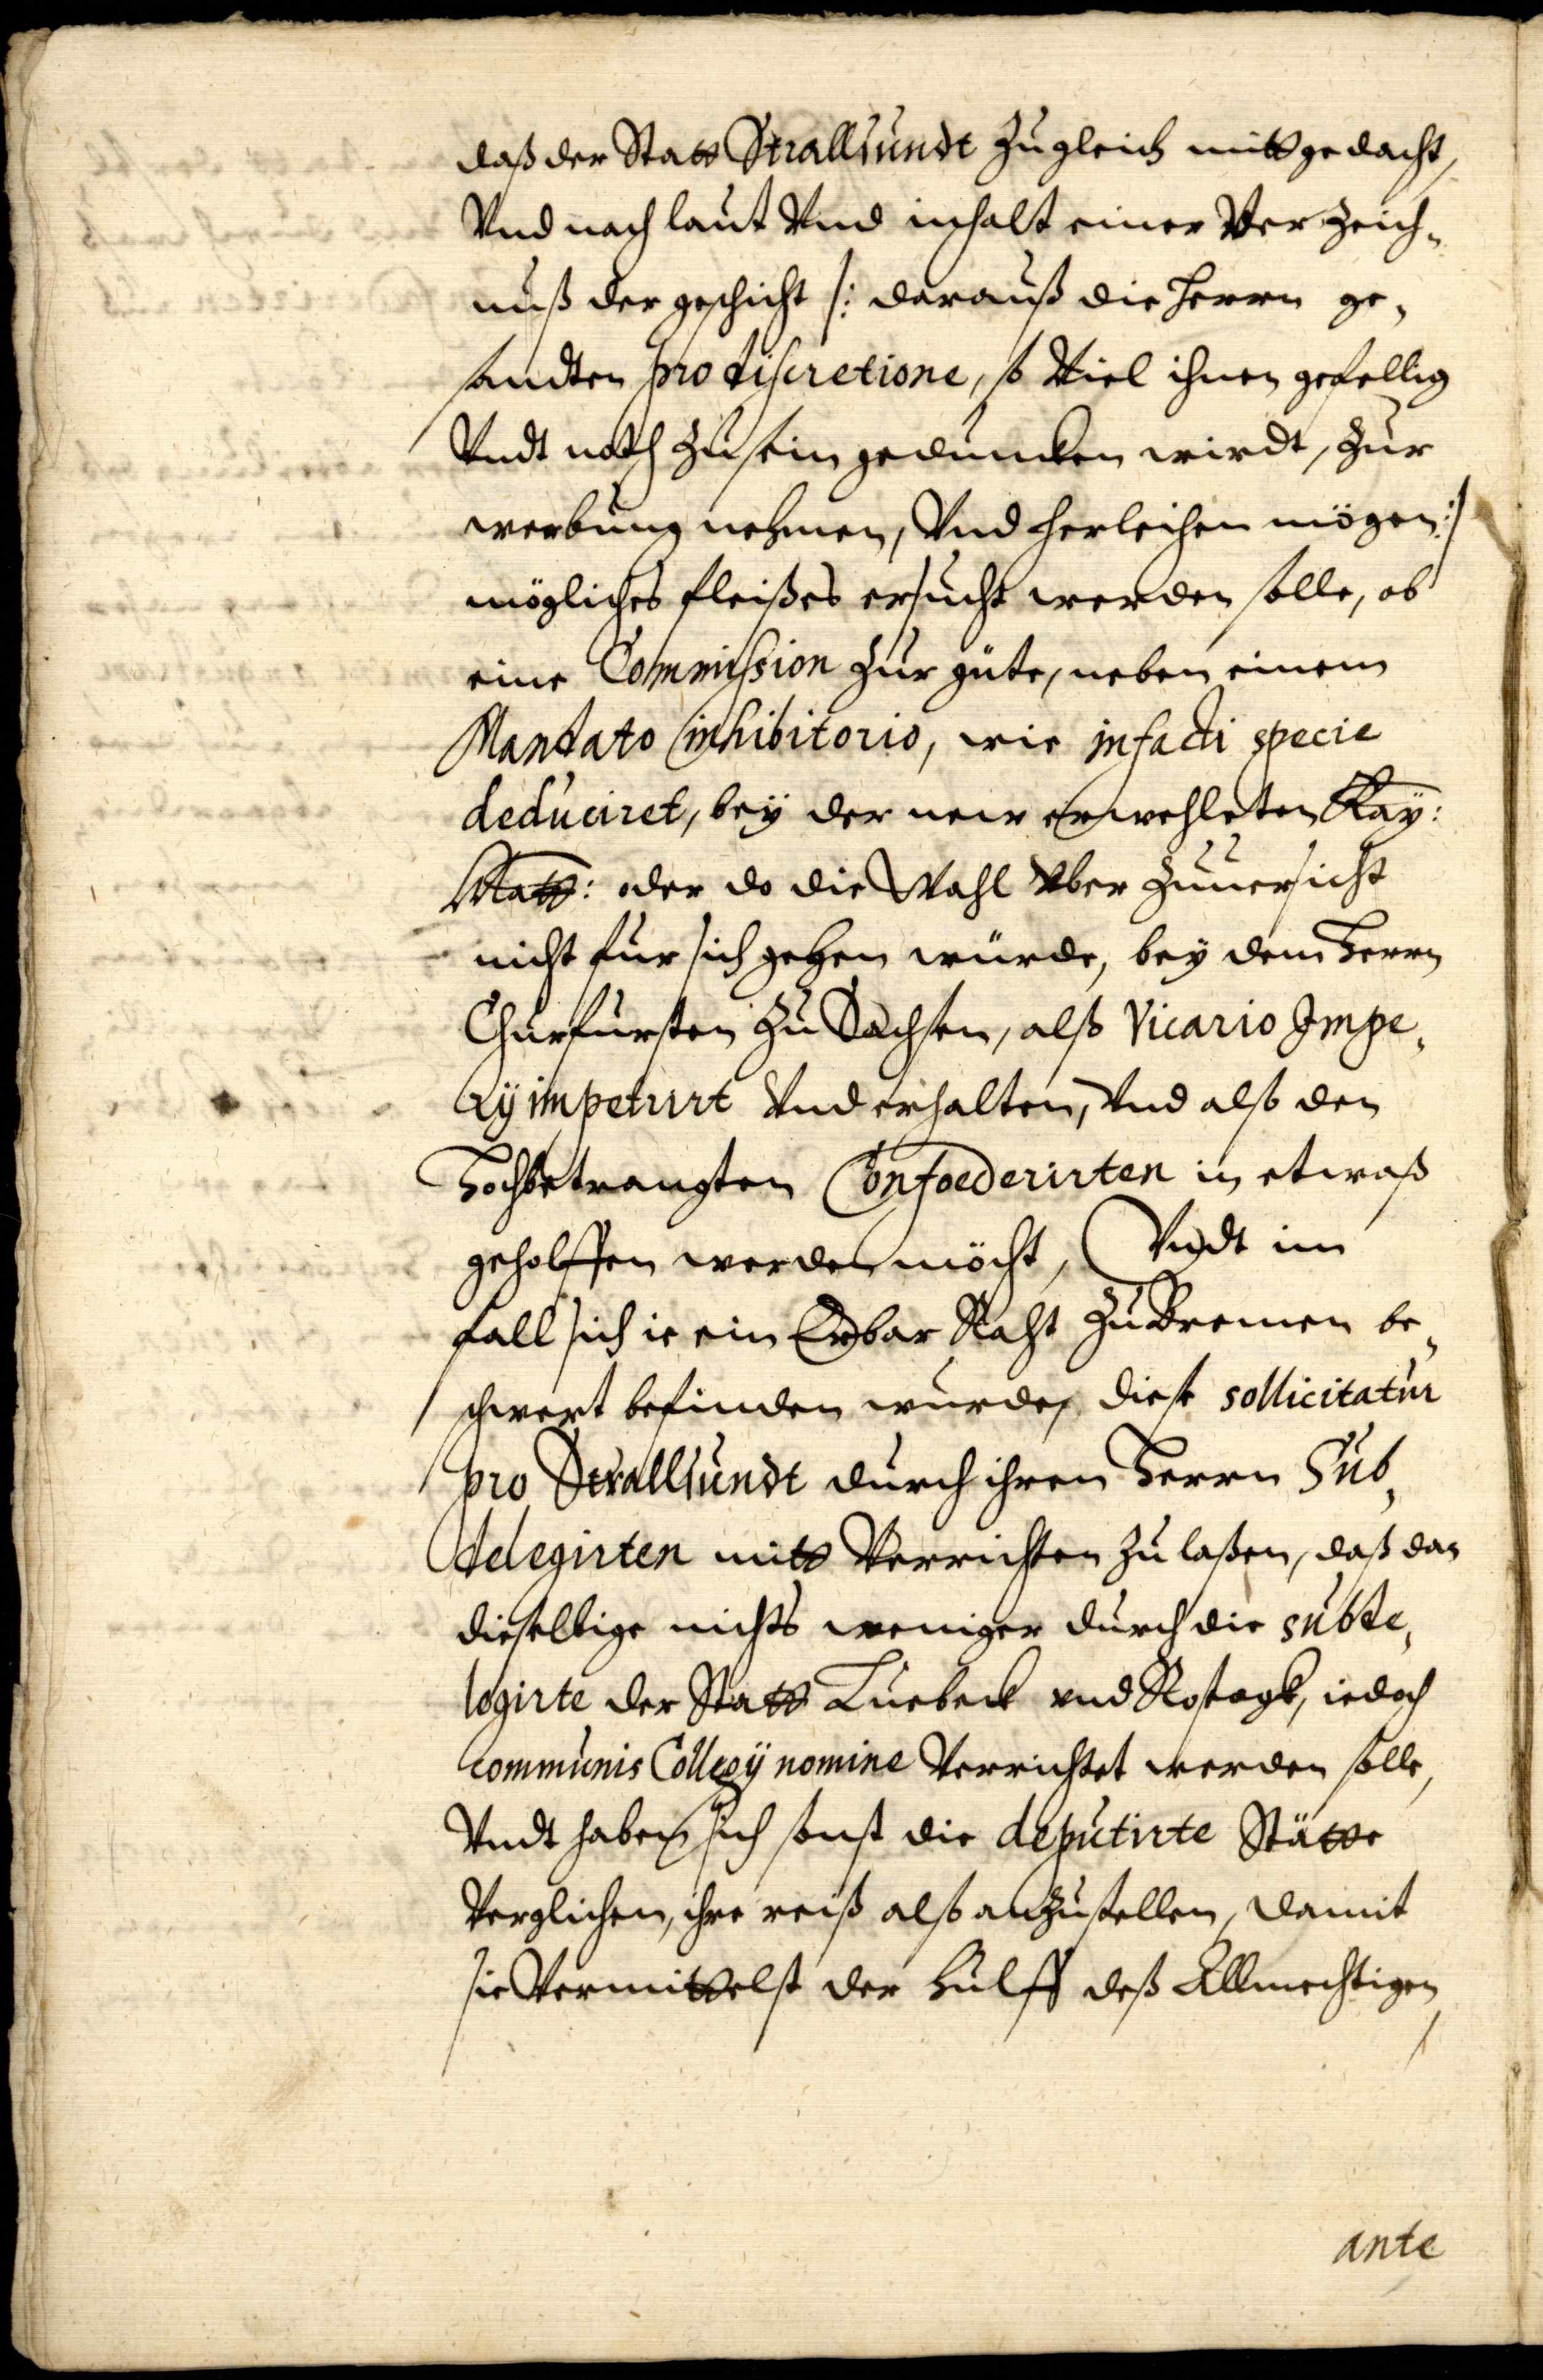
daß der Statt Strallsundt zugleich mittgedacht,
Vnd nach laut vnd inhalt einer verzeich¬
nuß der geschicht |: darauß die herrn ge¬
sandten pro discretione, so viel ihnen gefellig
Vndt noth zu sein geduncken wirdt, zur
werbung nehmen, vnd herleihen mögen :|
mögliches fleißes ersucht werden solle, ob
eine Commission zur güte, neben einem
Mandato inhibitorio, wie infacti specie
deduciret, beij der new erwehleten Kaij:
Matt: oder do die Wahl vber zuuersicht
nicht fur sich gehen würde, beij dem herrn
Churfursten zu Sachsen, alß Vicario Impe¬
rij impetrirt vnd erhalten, Vnd also den
Hochbetrangten Confoederirten in etwaß
geholffen werden möcht, Vndt im
fall sich in ein Erbar Raht zu Bremen be¬
schwert befinden wurde, diese sollicitatur
pro Strallsundt durch ihren herrn Sub¬
delegirten mitt Verrichten Zulaßen, daß dan
dieselbige nichts weniger durch die subde¬
legirte der Stätt Luebeck vnd Rostogk, iedoch
communis Collegij nomine Verrichtet werden solle,
Vndt haben sich sonst die deputirte Stätte
verglichen, ihre reiß also abzustellen, damit
sie Vermittelst der hulff deß Allmechtigen,
ante
